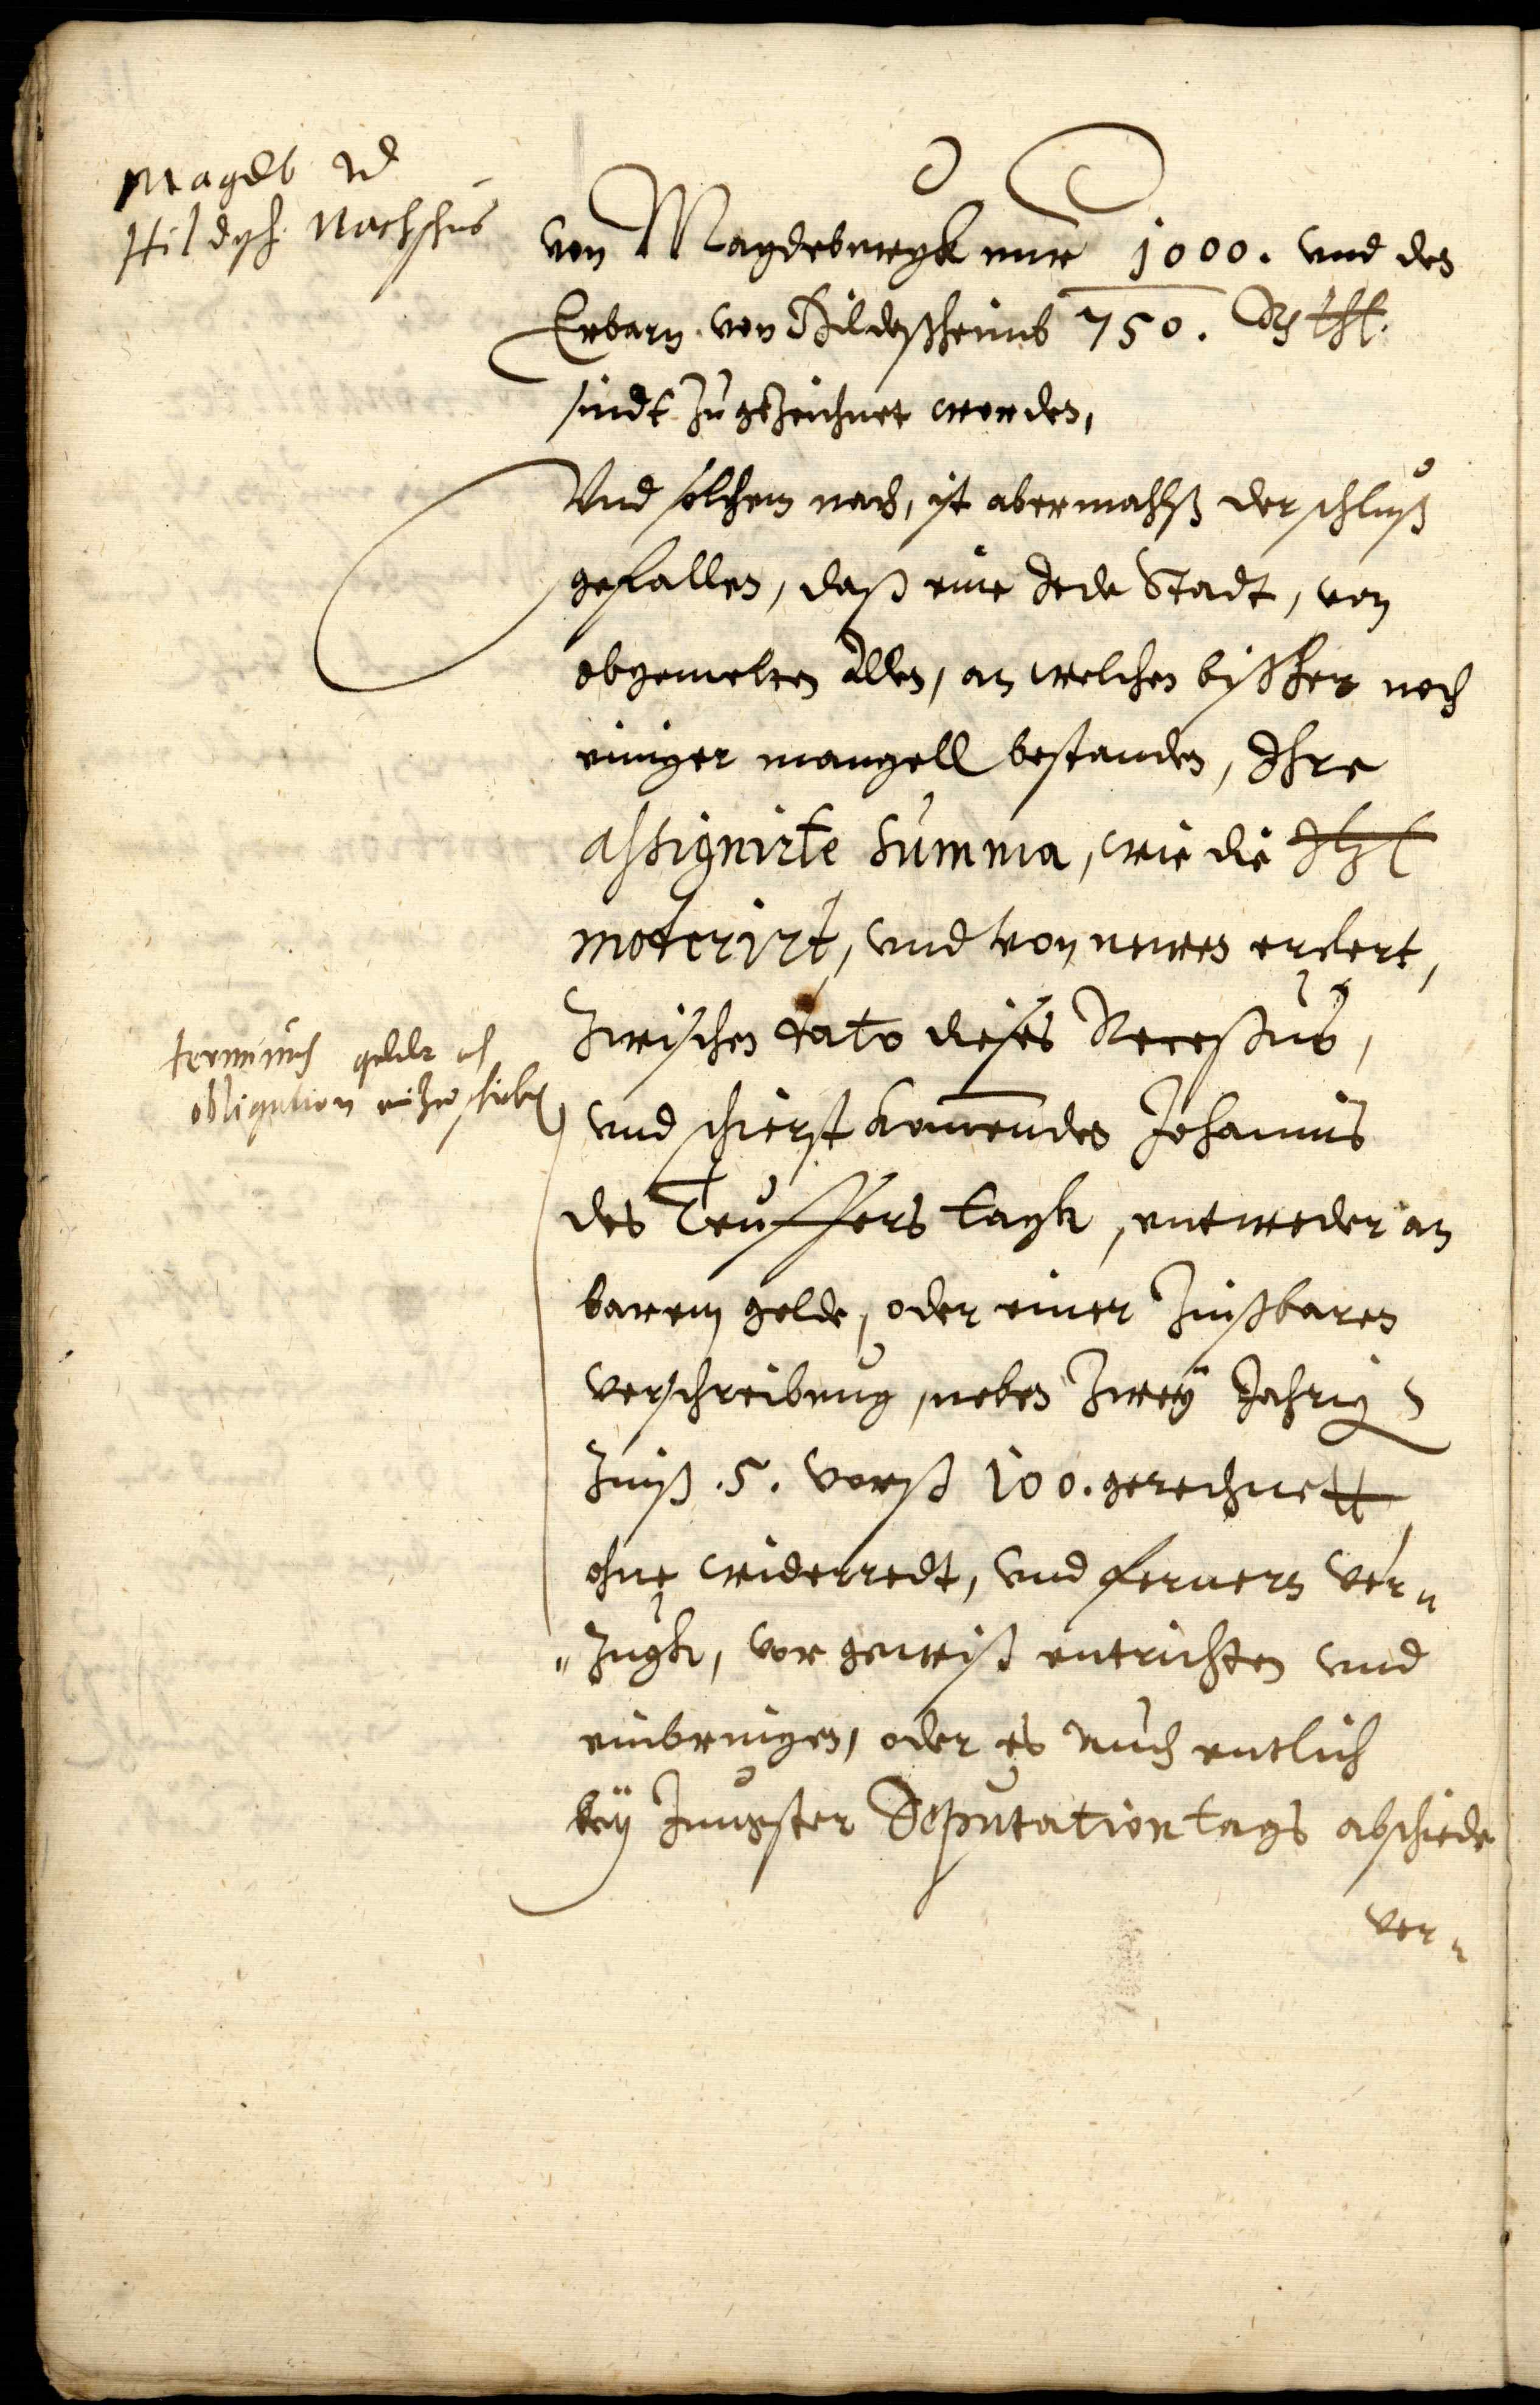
Magdb vd
Hildesh. Nachschus
terminus geldt vf
obligation einzuschicken
von Magdeburgk nur 1000. vnd den
Erbarn von Hildeßheimb 750. Rthl.
sindt zu gezeichnet worden,
Vnd solchem nach, ist abermahlß der schluß
gefallen, daß eine jede Stadt, von
obgemelten Allen, an welchen bißher noch
einiger mangell bestanden, Ihre
assignirte Summa, wie die Itzt
moderirt, vnd von newen erclert,
zwischen dato dieses Recessus,
vnd schirst kommenden Johannis
des Teuffers tagk, entweder an
barem gelde, oder einer Zinßbaren
verschreibung, neben zweij Jahrigen
Zinß .5. vorß 100. gerechnett,
ohne widerredt, vnd fernern ver¬
zugk, vor gewiß entrichten vnd
einbringen, oder es auch entlich
beij Jungster Deputation tags abschiede
vor¬
